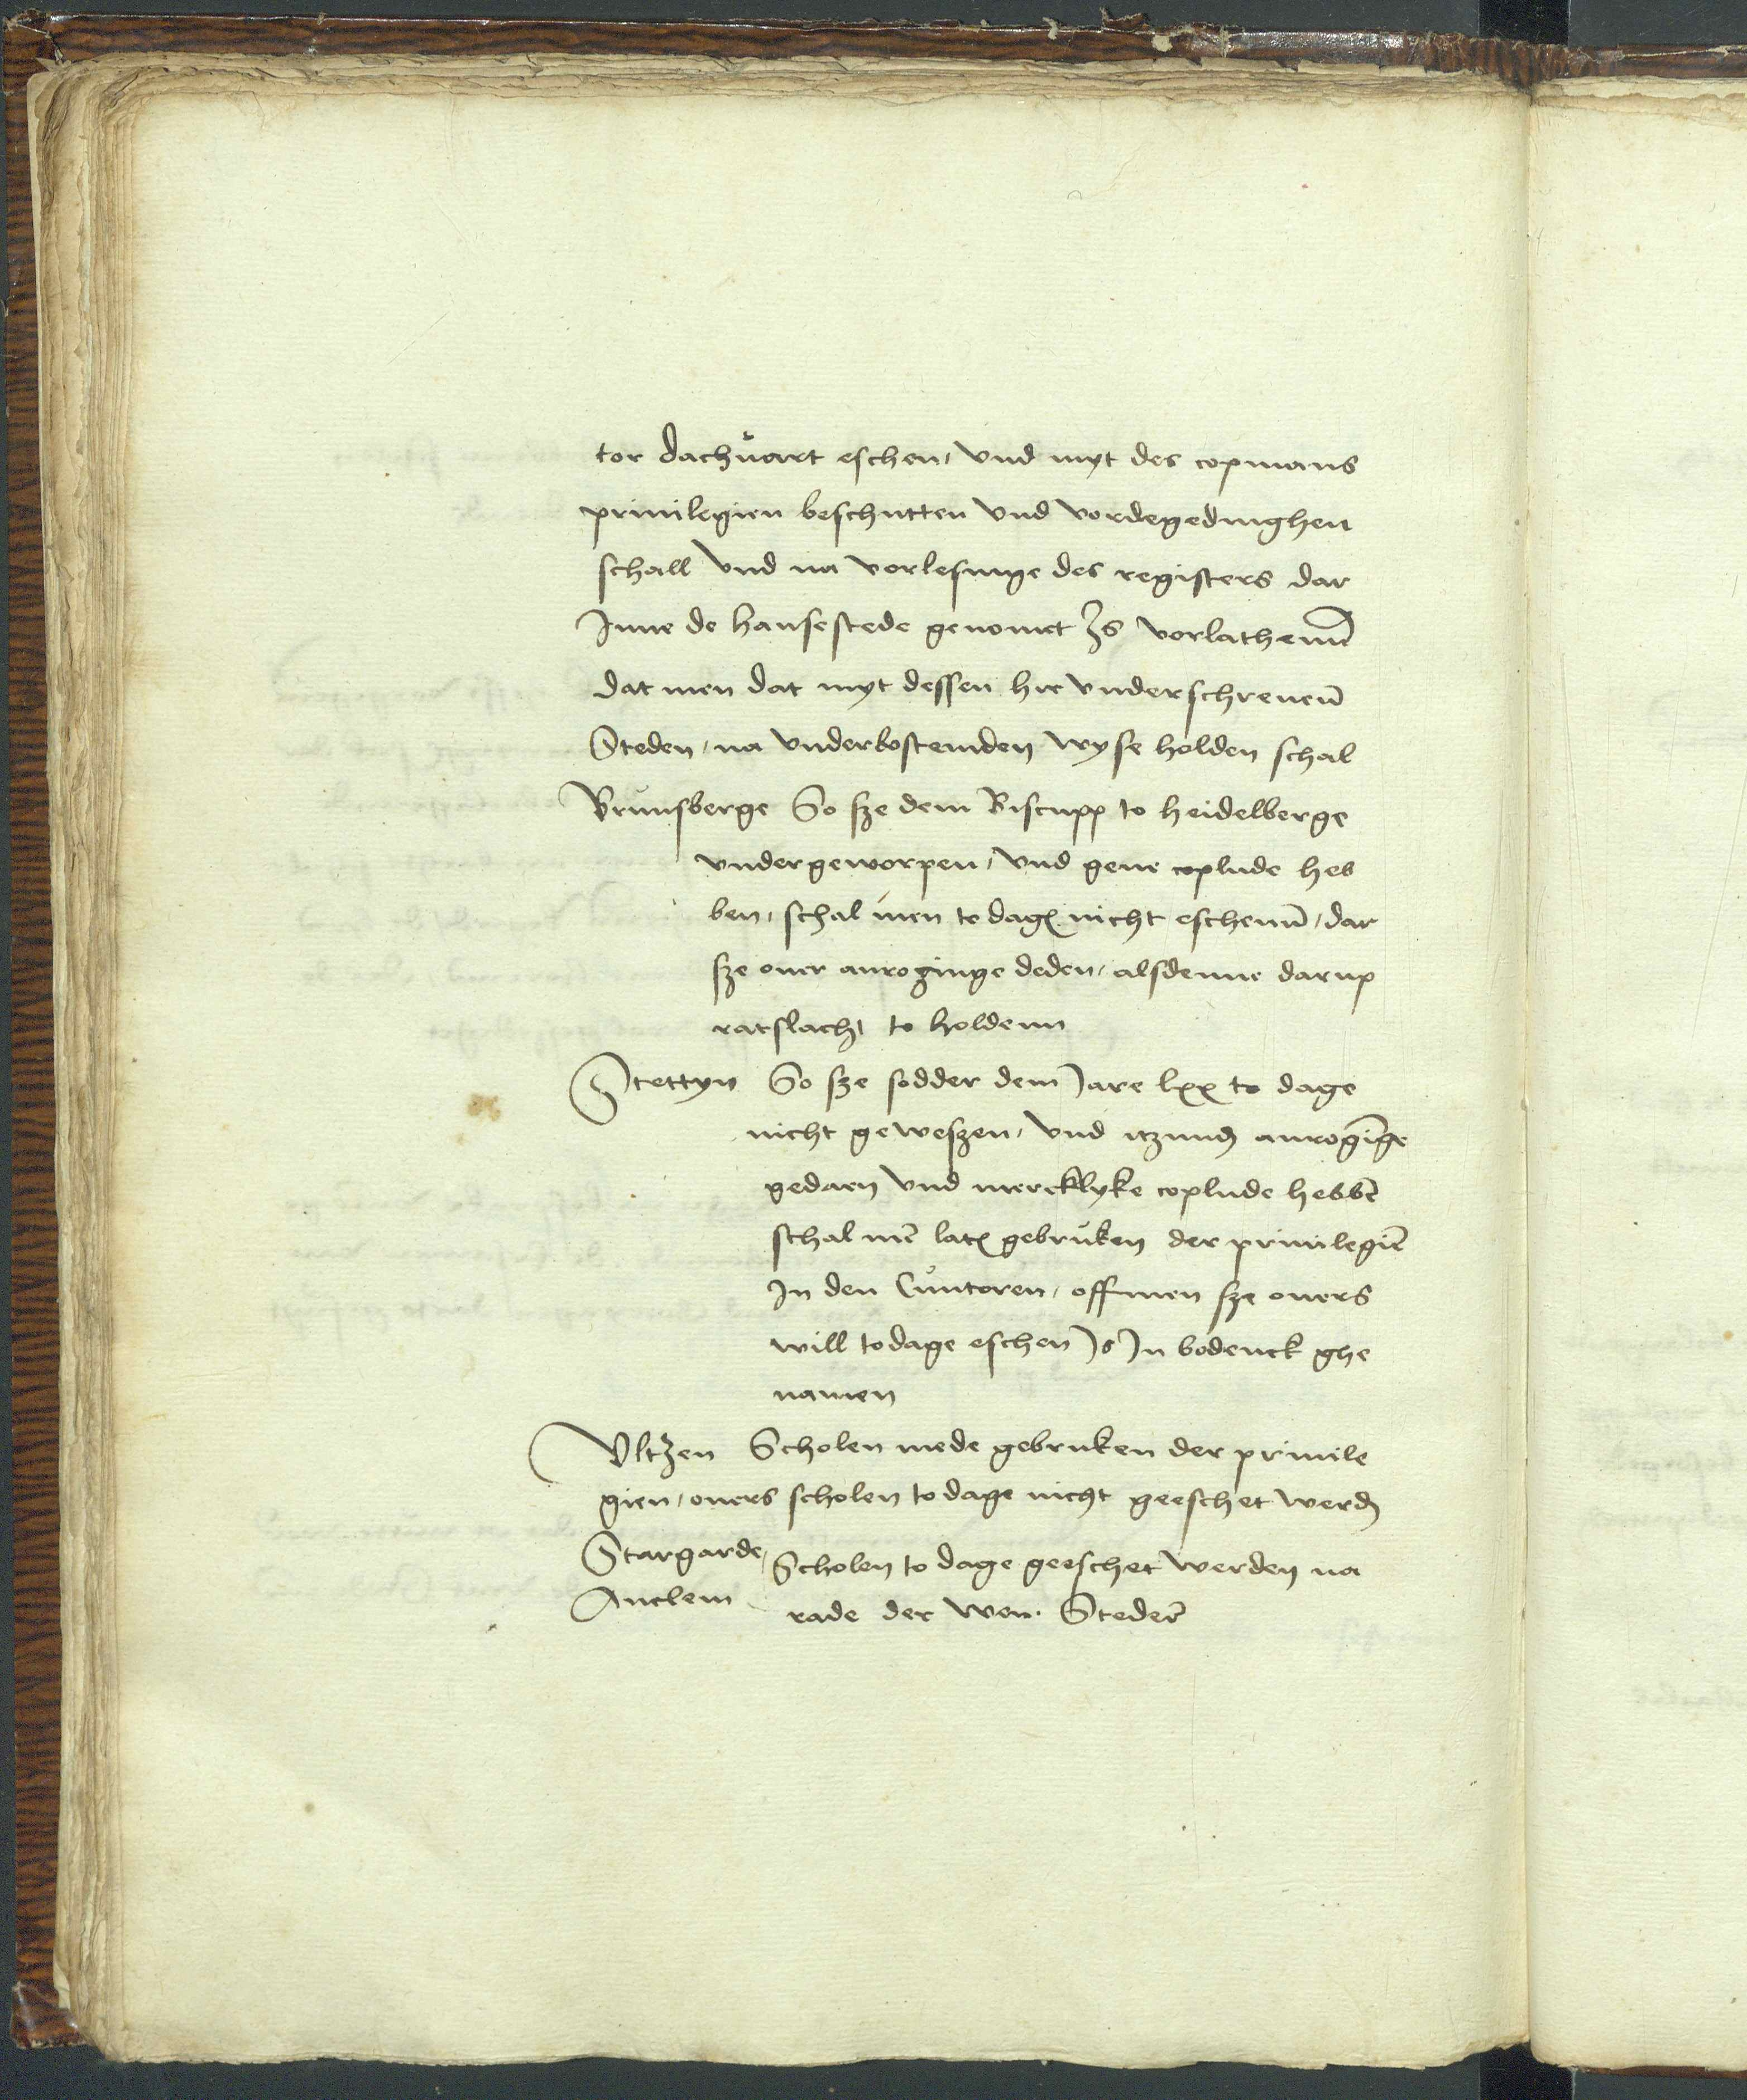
tor dachuart eschen, vnd myt des copmans
priuilegien beschutten vnd vordegedinghen
schall vnd na vorlesinge des registers dar
Jnne de hansestede genomet Js vorlathenn
dat men dat myt dessen hir vnderschreuen
Steden na vnderbostemden wyse holden schal
Brunsberge So sze dem Biscupp to heidelberge
vndergeworpen, vnd gene coplude heb¬
ben, schal men to dagen nicht eschenn, dar
sze ouer anroginge deden, alsdenne darup
ratslach, to holdenn
Stettyn So sze sodder dem Jare lxx to dage
nicht geweszen, vnd itzundes anroginge
gedaen vnd mercklyke coplude hebben
schal men laten gebruken der priuilegien
Jn den Cuntoren, offmen sze ouers
will to dage eschen Js Jn bodenck ghe¬
namen
Vltzen Scholen mede gebruken der priuile¬
gien, ouers scholen to dage nicht geeschet werden
Stargarde, Scholen to dage geeschet werden na
rade der wen. Steder
Anclem
